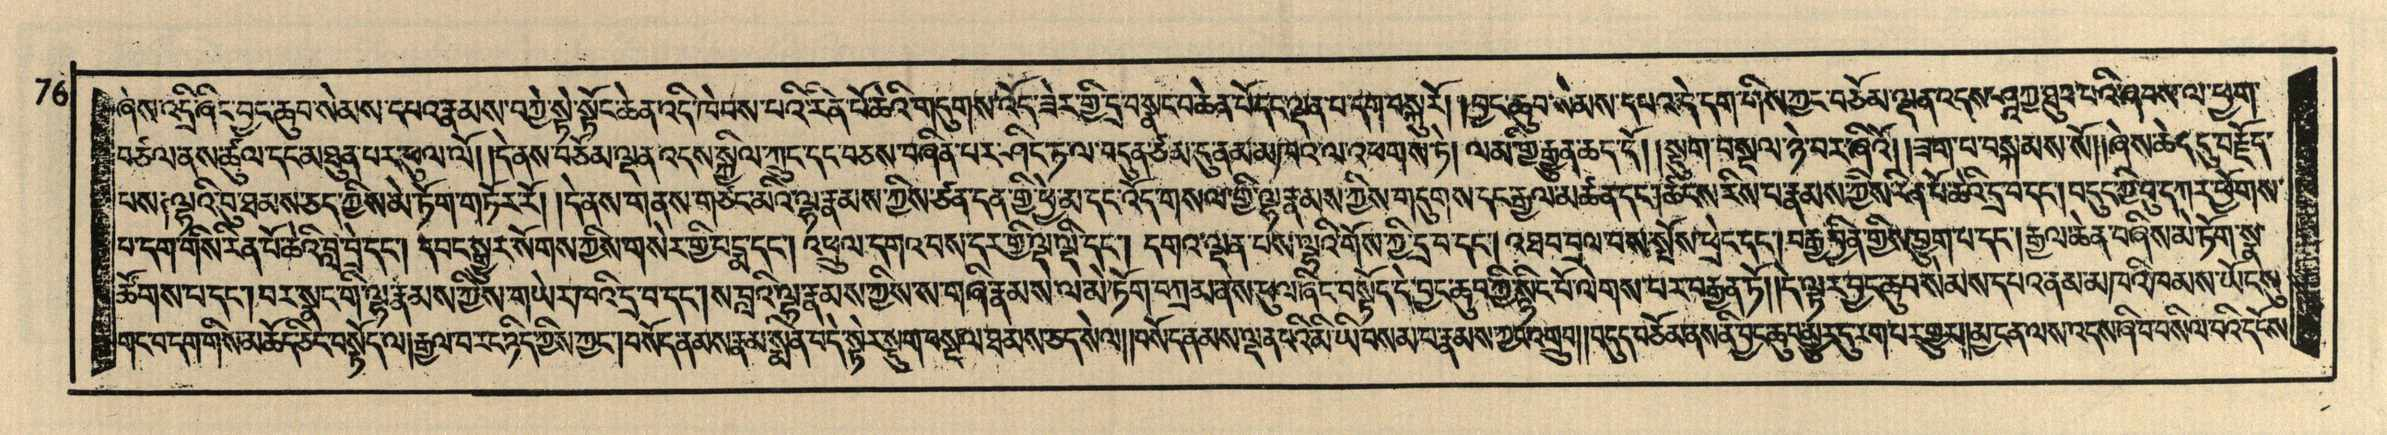ཞེས་འདྲི་ཞིང་བྱང་ཆུབ་སེམས་དཔའ་རྣམས་བཀྱེ་སྟེ་སྟོང་ཆེན་འདི་ཁེབས་པའི་རིན་པོ་ཆེའི་གདུགས་འོད་ཟེར་གྱི་དྲ་བ་སྣང་བ་ཆེན་པོ་དང་ལྡན་པ་དག་བསྐུར་རོ། །བྱང་ཆུབ་སེམས་དཔའ་དེ་དག་གིས་ཀྱང་བཅོམ་ལྡན་འདས་ཤཱཀྱ་ཐུབ་པའི་ཞབས་ལ་ཕྱག་
བཙལ་ནས་ཚུལ་དང་མཐུན་པར་ཕུལ་ལོ། །དེ་ནས་བཅོམ་ལྡན་འདས་སྐྱིལ་ཀྲུང་དང་བཅས་བཞིན་པར་ཤིང་ཏལ་བདུན་ཙམ་དུ་ནམ་མཁའ་ལ་འཕགས་ཏེ། ལམ་གྱི་རྒྱུན་ཆད་དོ། །སྡུག་བསྔལ་ཉེ་བར་ཞིའོ། །ཟག་པ་བསྐམས་སོ། །ཞེས་ཆེད་དུ་བརྗོད་
པས༑ ལྷའི་བུ་ཐམས་ཅད་ཀྱིས་མེ་ཏོག་གཏོར་རོ། །དེ་ནས་གནས་གཙང་མའི་ལྷ་རྣམས་ཀྱིས་ཙན་དན་གྱི་ཕྱེ་མ་དང་འོད་གསལ་གྱི་ལྷ་རྣམས་ཀྱིས་གདུགས་དང་རྒྱལ་མཚན་དང་། ཚངས་རིས་པ་རྣམས་ཀྱིས་རིན་པོ་ཆེའི་དྲ་བ་དང་། བདུད་ཀྱི་བུ་དཀར་ཕྱོགས་
པ་དག་གིས་རིན་པོ་ཆེའི་བླ་བྲེ་དང་། དབང་བསྒྱུར་སོགས་ཀྱིས་གསེར་གྱི་པདམ་དང་། འཕྲུལ་དགའ་བས་དར་གྱི་ལྡ་ལྡི་དང་། དགའ་ལྡན་པས་ལྷའི་གོས་ཀྱི་དྲ་བ་དང་། འཐབ་བྲལ་བས་སྤོས་ཕྲེང་དང་། བརྒྱ་བྱིན་གྱིས་བྱུག་པ་དང་། རྒྱལ་ཆེན་བཞིས་མེ་ཏོག་སྣ་
ཚོགས་པ་དང་། བར་སྣང་གི་ལྷ་རྣམས་ཀྱིས་གཡེར་ཁའི་དྲ་བ་དང་། ས་བླའི་ལྷ་རྣམས་ཀྱིས་ས་གཞི་རྣམས་ལ་མེ་ཏོག་བཀྲམ་ནས་ཕུལ་ཞིང་བསྟོད་དེ་བྱང་ཆུབ་ཀྱི་སྙིང་པོ་ལེགས་པར་བརྒྱན་ཏོ། །དེ་ལྟར་བྱང་ཆུབ་སེམས་དཔའ་ནམ་མཁའི་ཁམས་ཡོང་སུ་
གང་བདག་གིས་མཆོད་ཅིང་བསྟོད་ལ། རྒྱལ་བ་རང་ཉིད་ཀྱིས་ཀྱང་། བསོད་ནམས་རྣམ་སྨིན་བདེ་སྟེར་སྡུག་བསྔལ་ཐམས་ཅད་སེལ། །བསོད་ནམས་ལྡན་པའི་མི་ཡི་བསམ་པ་རྣམ་ཀྱང་འགྲུབ། །བདུད་བཅོམ་ནས་ནི་བྱང་ཆུབ་མྱུར་དུ་རག་པར་གྱུར། །མྱ་ངན་ལས་འདས་ཞི་བ་བསིལ་བའི་དངོས་